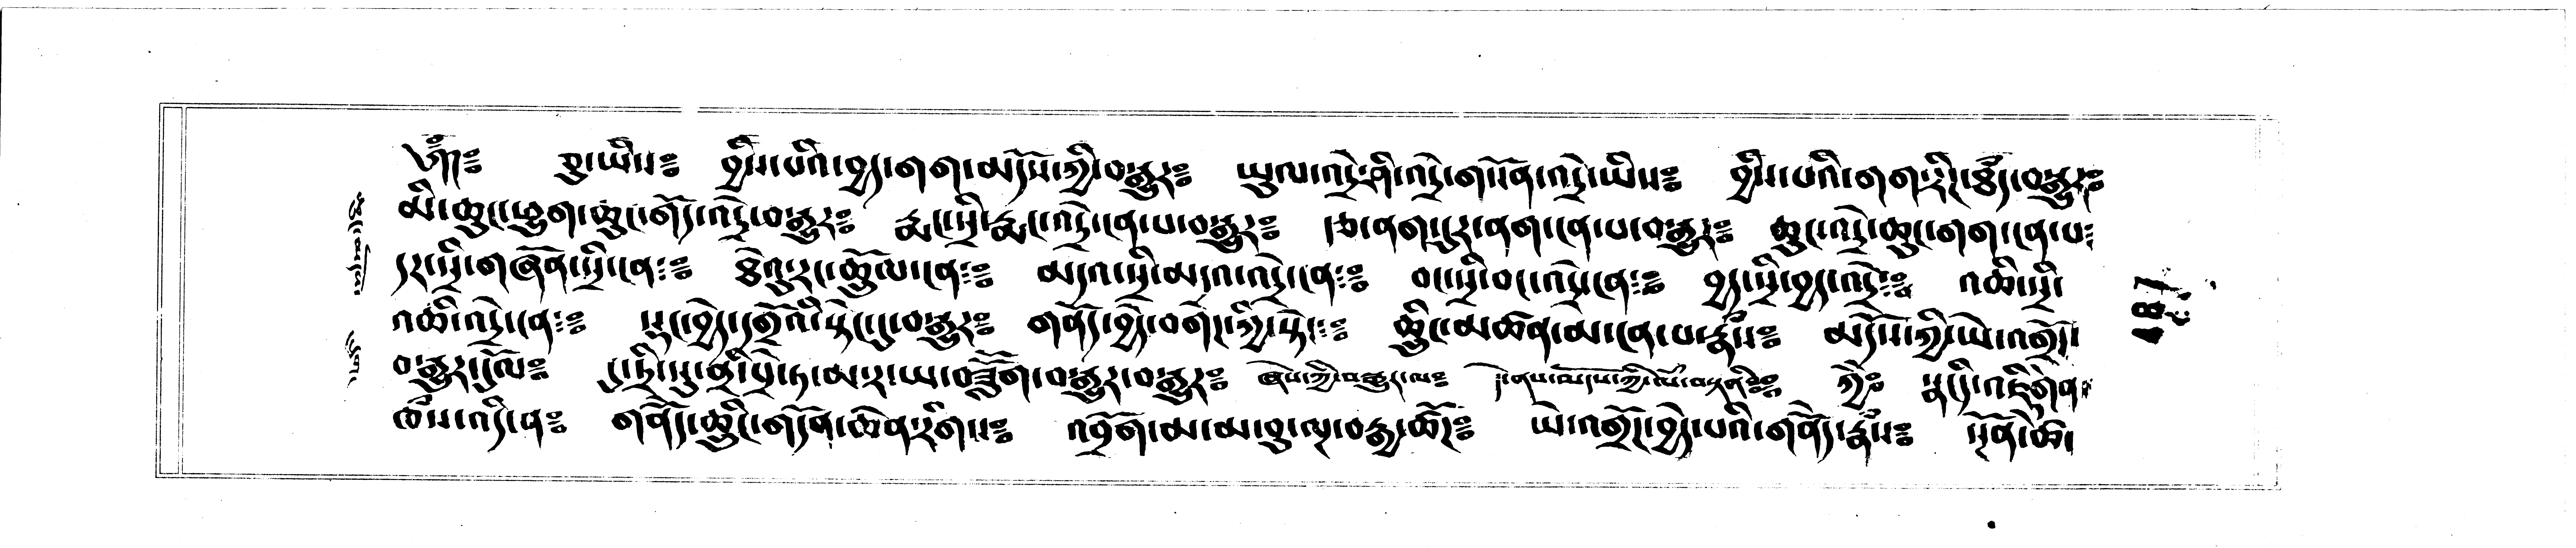༅།༔ཅུ་ཡིས༔བྱིས་པའི་བྱད་གག་མདོས་ཀྱི་བསྒྱུར༔ཡུལ་འདྲེ་ཤི་འདྲེ་གསོན་འདྲེ་ཡིས༔བྱིས་པའི་གག་རིགས་ཐམས་ཅད་བསྒྱུར༔མི་ཆུང་ཕྱུག་ཆུང་གོད་འདྲེ་བསྒྱུར༔
རྨང་སྲི་རྨང་འདྲེ་ངན་པ་བསྒྱུར༔ རྩ་ནག་དུར་ནག་ངན་པ་བསྒྱུར༔ ཆུང་འདྲེ་ཆུང་གག་ངན་པ༔
དར་སྲི་གཞོན་སྲི་ངན་པ་བསྒྱུར༔༔ ཐེའུ་རང་ཆོ་འཕྲུལ་ངན་པ་བསྒྱུར༔མདའ་སྲི་ མདའ་འདྲེ་ངན་པ་བསྒྱུར༔ བང་སྲི་བང་འདྲེ་ངན་ངན་པ་བསྒྱུར༔ བྱད་སྲི་བྱད་འདྲེ་ངན་པ་བསྒྱུར༔ འཆི་སྲི་ 
འཆི་འདྲེ་ངན་པ་བསྒྱུར༔ སྡང་བྱེད་དགྲ་བོའི་སྟེང་དུ་བསྒྱུར༔ གནོད་བྱེད་བགགས་ཀྱི་སྟེང་དུ་བསྒྱུར༔ ཆུང་སྲི་མཚན་མ་ངན་པ་རྣམས༔ མདོས་ཀྱི་ཡེ་འགྲོགས་ 
བསྒྱུར་དུ་གསོལ༔དུ་ཏྲི་སུ་རྣྲི་པྲེ་ཏ་མ་ར་ཡ་བཟླག་བཟློག་བསྒྱུར་བསྒྱུར༔ཞེས་ཀྱིས་བསྒྱུར་ལ༔ དེ་ནས་མདོས་ཀྱི་ལམ་བསྟན་ནི༔༔ཀྱཻ༔སྣང་སྲིད་རྟེན་ 
ཁམས་འདི་ན༔གནོད་བྱེད་ཆུང་སྲི་གདོན་ཆེན་རིགས༔འབྲོག་མ་མ་བུ་ལྔ་བརྒྱ་ཚོགས༔ཡེ་འགྲོགས་བྱེད་པའི་གནོད་བྱེད་རྣམས༔ སྔོན་ཚེ་